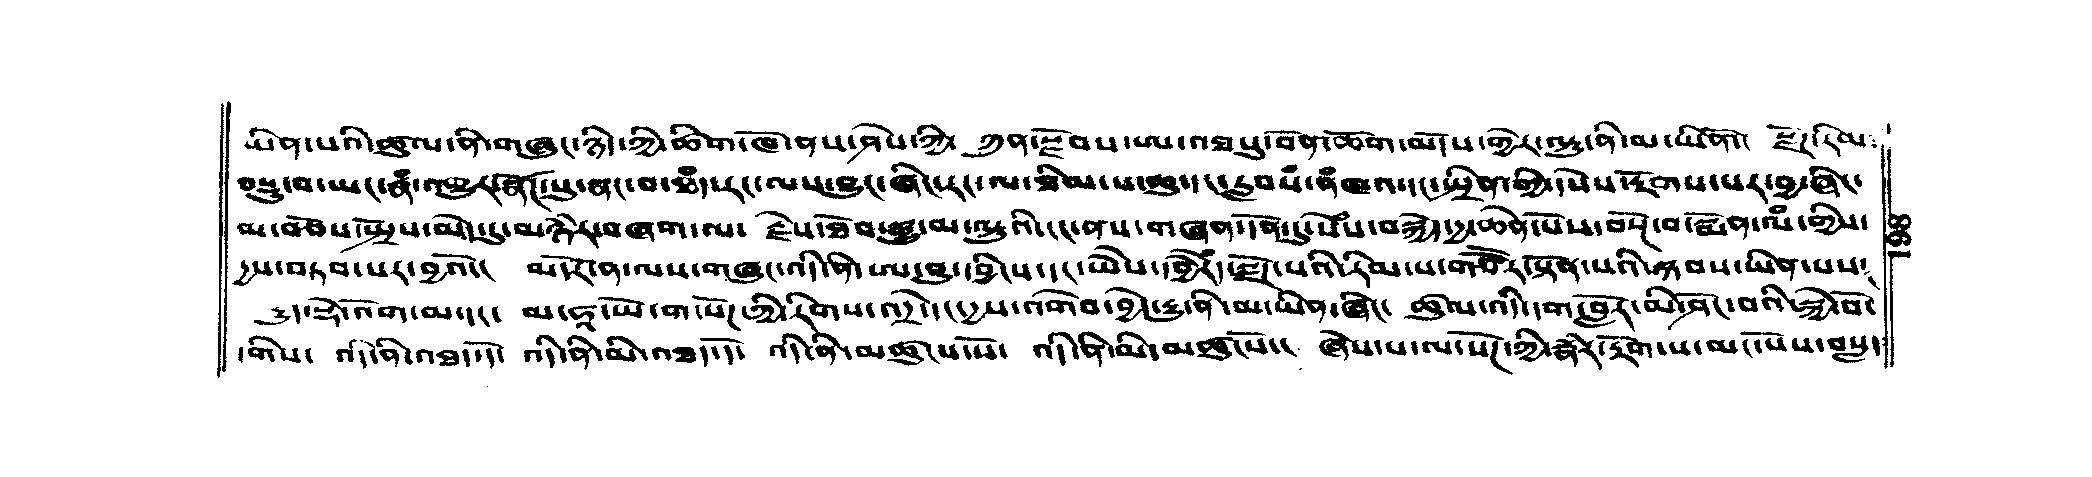ཡིན་པའི་ཚུལ་ནི་གཞུང་ཉིད་ཀྱི་ཚིག་ཁོ་ནས་ཤེས་ཀྱི། ཀུན་རྫོབས་ཨ་འཐས་སུ་བོན་ཆོག་མདོས་གྱེར་ལྟ་བུ་ནི་མ་ཡིན་ནོ། རྫོགས་རིམ་
བསྡུ་བ་ཡང་རྣམ་འགྱུར་སྣ་ཚོགས་སུ་སྣང་བ་ཐམས་ཅད་རང་ལས་བྱུང་ཞིང་རང་ལ་ཐིམ་པ་ཆུ་དང་རླབས་ནམ་མཁའ་དང་སྤྲིན་གྱི་དཔེས་རྟོགས་པར་བྱ་ཞིང་
མ་བཅོས་སྤྲོས་མེད་དུ་མཉམ་པར་བཞག་ལ། རྗེས་ཐོབ་སྒྱུ་མ་ལྟ་བུའི་ངང་ནས་གཞན་དོན་དུ་སེམས་བསྐྱེད་རྒྱ་ཆེན་པོས་བསྔོ་བ་སྨོན་ལམ་གྱིས་
རྒྱས་བཏབ་པར་བྱའོ། མདོར་ན་ལས་གཞུང་འདི་ནི་ཨ་ནུ་དབྱིངས་དང་ཡེ་ཤེས་དབྱེར་མེད་རྫོགས་པའི་རིམ་པ་གཙོ་བོར་སྟོན་པའི་སྐབས་ཡིན་པས་
རྒྱུད་སྡེ་འོག་མ་དང་། མ་ཧཱ་ཡོ་ག་སོགས་ཀྱི་རིགས་འདྲེ་དང་རྒྱས་འགེབ་བྱེད་རྒྱུ་ནི་མ་ཡིན་ཞིང་། ཚུལ་འདི་དག་བློར་མི་ཤོང་བའི་སྐྱེ་བོ་
དག་གིས། འདི་ནི་འཐད་དོ། འདི་ནི་མཆུངས་སོ། འདི་ནི་མི་མཚུངས་སོ། ཞེས་པ་ལ་སོགས་ཀྱི་རྣམ་པར་རྟོག་པ་མང་པོས་བསླད་